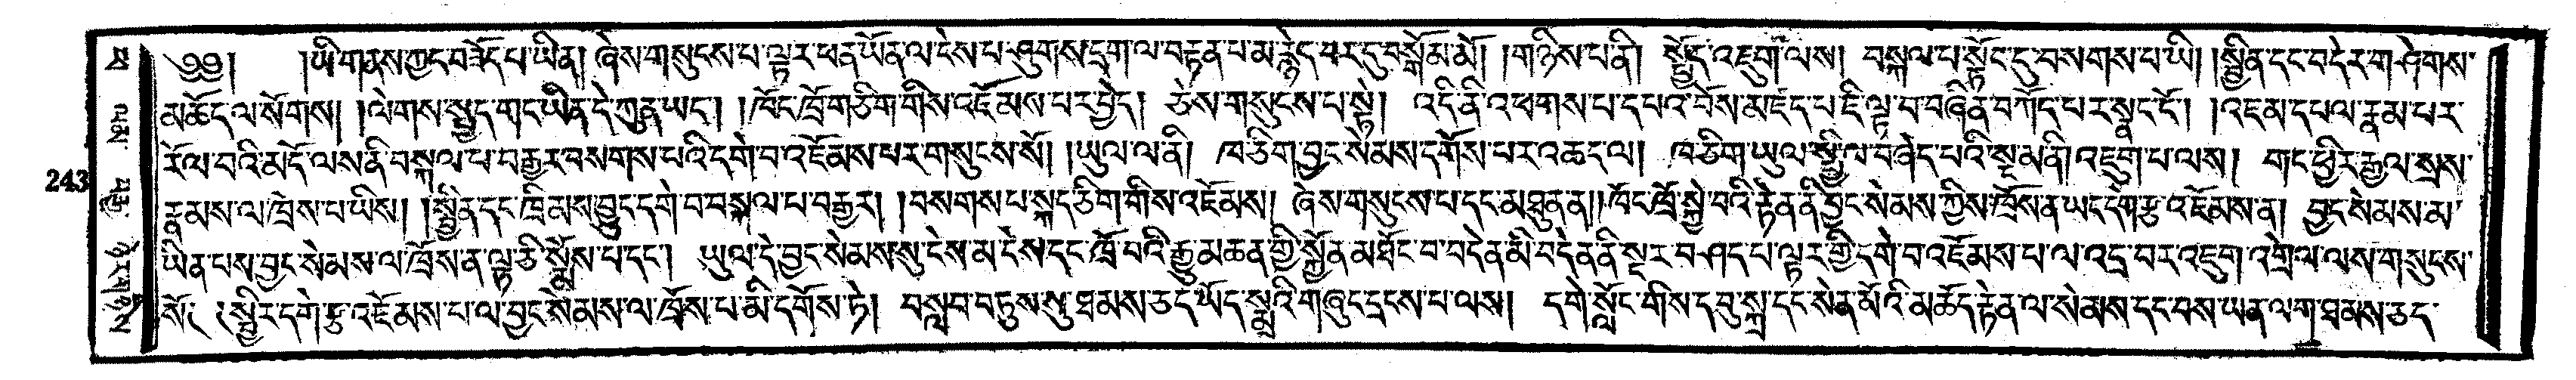༄༅། །ཡི་གནས་ཀྱང་བཟོད་པ་ཡིན། ཞེས་གསུངས་པ་ལྟར་ཕན་ཡོན་ལ་ངེས་པ་ཤུགས་དྲག་ལ་བརྟན་པ་མ་རྙེད་བར་དུ་བསྒོམ་མོ། །གཉིས་པ་ནི། སྤྱོད་འཇུག་ལས། བསྐལ་པ་སྟོང་དུ་བསགས་པ་ཡི། །སྦྱིན་དང་བདེར་གཤེགས་
མཆོད་ལ་སོགས། །ལེགས་སྦྱད་གང་ཡིན་དེ་ཀུན་ཡང་། །ཁོང་ཁྲོ་གཅིག་གིས་འཇོམས་པར་བྱེད། ཅེས་གསུངས་པ་སྟེ། འདི་ནི་འཕགས་པ་དཔའ་བོས་མཛད་པ་ཇི་ལྟ་བ་བཞིན་བཀོད་པར་སྣང་ངོ། །འཇམ་དཔལ་རྣམ་པར་
རོལ་བའི་མདོ་ལས་ནི་བསྐལ་པ་བརྒྱར་བསགས་པའི་དགེ་བ་འཇོམས་པར་གསུངས་སོ། །ཡུལ་ལ་ནི། ཁ་ཅིག་བྱང་སེམས་དགོས་པར་འཆད་ལ། ཁ་ཅིག་ཡུལ་སྤྱི་ལ་བཞེད་པའི་སྔ་མ་ནི། འཇུག་པ་ལས། གང་ཕྱིར་རྒྱལ་སྲས་
རྣམས་ལ་ཁྲེས་པ་ཡིས། །སྦྱིན་དང་ཁྲིམས་བྱུང་དགེ་བ་བསྐལ་པ་བརྒྱར། །བསགས་པ་སྐད་ཅིག་གིས་འཇོམས། ཞེས་གསུངས་པ་དང་མཐུན་ན། །ཁོང་ཁྲོ་སྐྱེ་བའི་རྟེན་ནི་བྱང་སེམས་ཀྱིས་ཁྲོས་ན་ཡང་དག་རྩ་འཇོམས་ན། བྱང་སེམས་མ་
ཡིན་པས་བྱང་སེམས་ལ་ཁྲོས་ན་ལྟ་ཅི་སྨོས་པ་དང་། ཡུལ་དེ་བྱང་སེམས་སུ་ངེས་མ་ངེས་དང་ཁྲོ་བའི་རྒྱུ་མཆན་གྱི་སྐྱོན་མཐོང་བ་བདེན་མི་བདེན་ནི་སྔར་བཤད་པ་ལྟར་གྱི་དགེ་བ་འཇོམས་པ་ལ་འདྲ་བར་འཇུག་འགྲེལ་ལས་གསུངས་
སོ༑ ༑སྦྱིར་དགེ་རྩ་འཇོམས་པ་ལ་བྱང་སེམས་ལ་ཁྲོས་པ་མི་དགོས་ཏེ། བསླབ་བཏུལ་སུ་ཐམས་ཅད་ཡོད་སྨྲའི་གཞུང་དྲངས་པ་ལས། དགེ་སློང་གིས་དབུ་སྐྲ་དང་སེན་མོའི་མཆོད་རྟེན་ལ་སེམས་དང་བས་ཡན་ལག་ཐམས་ཅད་